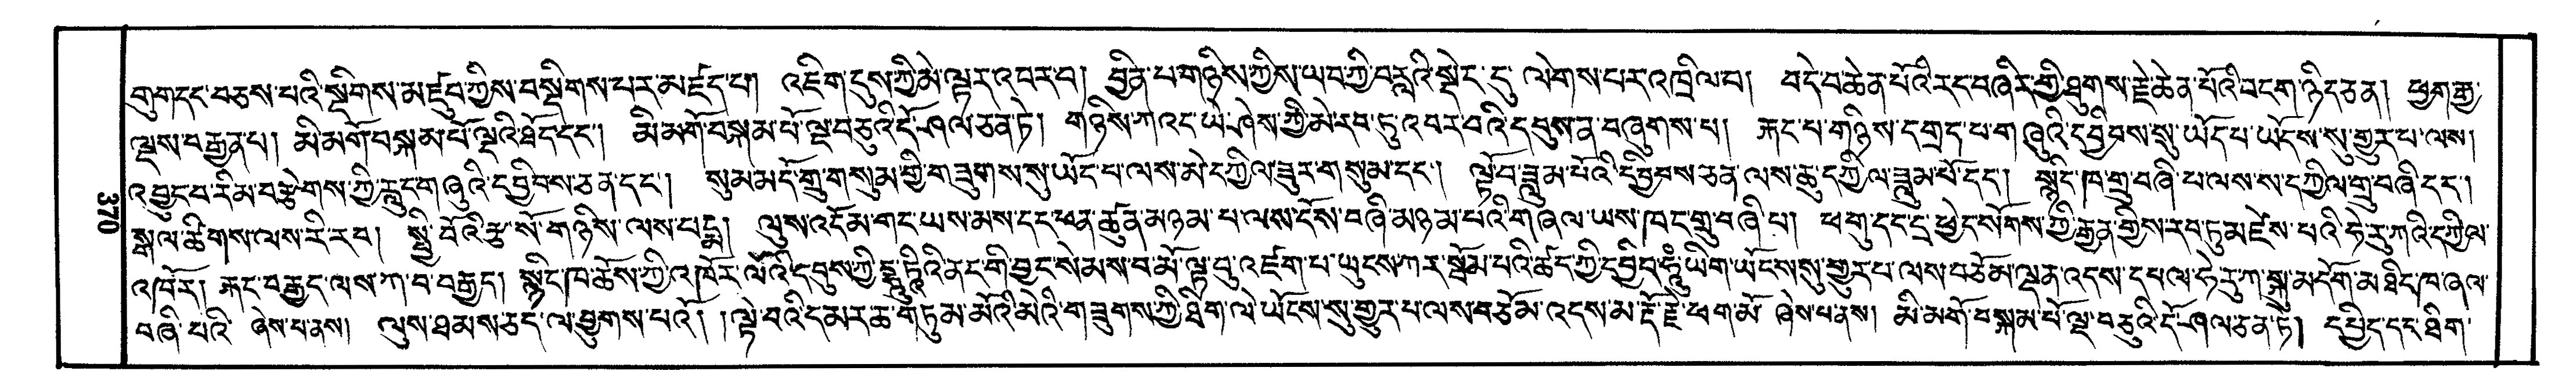གུག་དང་བཅས་པའི་སྡིགས་མཛུབ་ཀྱིས་བསྡིགས་པར་མཛད་པ། འཇིག་དུས་ཀྱི་མེ་ལྟར་འབར་བ། བྱིན་བ་གཉིས་ཀྱིས་ཡབ་ཀྱི་བརླའི་སྟེང་དུ་ལེགས་པ་འཁྲིལ་བ། བདེ་བ་ཆེན་པོའི་རང་བཞིན་གྱི་ཐུགས་རྗེ་ཆེན་པོའི་བདག་ཉིད་ཅན། ཕྱག་རྒྱ་
ལྔས་བརྒྱན་པ། མི་མགོ་བསྐམ་པོ་ལྔའི་ཐོད་དང་། མི་མགོ་བསྐམ་པོ་ལྔ་བཅུའི་དོ་ཤལ་ཅན་ཏེ། གཉིས་ཀའང་ཡེ་ཤེས་ཀྱི་མེ་རབ་ཏུ་འབར་བའི་དབུས་ན་བཞུགས་པ། རྐང་པ་གཉིས་དགྲད་པ་གཞུའི་དབྱིབས་སུ་ཡོད་པ་ཡོངས་སུ་གྱུར་པ་ལས།
འབྱུང་བ་རིམ་བརྩེགས་ཀྱི་རླུང་གཞུའི་དབྱིབས་ཅན་དང་། སུམ་མདོ་གྲུ་གསུམ་གྱི་གཟུགས་སུ་ཡོད་པ་ལས་མེད་ཀྱིལ་ཟུར་གསུམ་དང་། ལྟོ་བ་ཟླུམ་པོའི་དབྱིབས་ཅན་ལས་ཆུ་དཀྱིལ་ཟླུམ་པོ་དང་། སྙིང་ཁ་གྲུ་བཞི་པ་ལས་ས་དཀྱིལ་གྲུ་བཞི་དང་།
སྒལ་ཚིགས་ལས་རི་རབ། སྤྱི་བོའི་རྩ་སོ་གཉིས་ལས་པདམ། ལུས་འདོམ་གང་ཡས་མས་དང་ཕན་ཚུན་མཉམ་བ་ལ་ས་ངོས་བཞི་མཉམ་པའི་གཞལ་ལས་ཁང་གྲུ་བཞི་པ། ཕ་གུ་དང་དྲ་ཕྱེད་སོགས་ཀྱི་རྒྱན་གྱིས་རབ་ཏུ་མཛེས་པའི་ཧེ་རུ་ཀའི་དཀྱིལ་
འཁོར། རྐང་བརྒྱད་ལས་ཀ་བ་བརྒྱད། སྙིང་ཁ་ཆོས་ཀྱི་འཁོར་ལོའི་དབུས་ཀྱི་དྷཱ་ཏཱིའི་ནང་གི་བྱང་སེམས་བ་མོ་ལྟ་བུ་འཛག་པ་ཡུངས་ཀར་སྦོམ་པའི་ཚད་ཀྱི་དཔྱིད་ཧཱུཾ་ཡིག་ཡོངས་སུ་གྱུར་བ་ལས་བཅོམ་ལྡན་འདས་དཔལ་ཧེ་རུ་ཀ་སྐུ་མདོག་མཐིང་ཁ་ཞལ་
བཞི་པའི་ཞེས་པ་ནས། ལུས་ཐམས་ཅད་ལ་བྱུགས་པའོ། །ལྟེ་བའི་དམར་ཆ་གཏུམ་མོའི་མེའི་གཟུགས་ཀྱི་ཐིག་ལེ་ཡོངས་སུ་གྱུར་པ་ལས་བཅོམ་ལྡན་འདས་མ་རྡོ་རྗེ་ཕག་མོ་ཞེས་པ་ནས། མི་མགོ་བསྐམ་འོ་ལྔ་བཅུའི་དོ་ཤལ་ཅན་ཏེ། དབྱིད་དང་ཐིག་